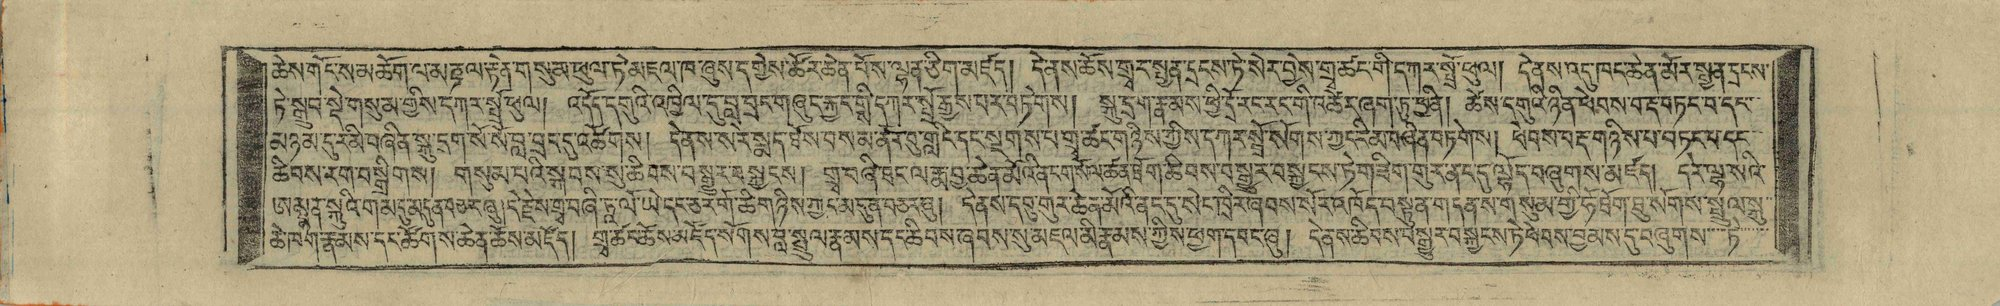ཆེས་གོང་ས་མཆོག་ལ་མཎྜལ་རྟེན་གསུམ་ཕུལ་ཏེ་མཇལ་ཁ་ཞུས་དགྱེས་ཚོར་ཆེན་པོས་ལྷན་ཅིག་མཛད། དེ་ནས་ཆོས་གྲྭར་སྤྱན་དྲངས་ཏེ་སེར་བྱེས་གྲྭ་ཚང་གི་དཀར་སྤྲོ་ཕུལ། དེ་ནས་འདུ་ཁང་ཆེན་མོར་སྤྱན་དྲངས་
ཏེ་སྒྲུབ་སྡེ་གསུམ་གྱིས་དཀར་སྤྲོ་ཕུལ། འདོད་དགུའི་འཁྱིལ་དུ་བླ་བྲང་གཞུང་རྐྱང་གིས་དཀར་སྤྲོ་རྒྱས་པར་བཏེགས། སྐུ་དྲག་རྣམས་ཕྱི་དྲོ་རང་རང་གི་འཚེར་ཞག་ཏུ་ཕྱིན། ཚེས་དགུའི་ཉིན་ཕེབས་བརྡ་བཏང་བ་དང་
མཉམ་དུ་རིམ་བཞིན་སྐུ་དྲག་སོ་སོ་བླ་བྲང་དུ་འཚོགས། དེ་ནས་སེར་སྨད་ཐོས་བསམ་ནོར་བུ་གླིང་དང་སྔགས་པ་གྲྭ་ཚང་གཉིས་ཀྱིས་དཀར་སྤྲོ་སོགས་ཀྱང་རིམ་བཞིན་བཏེགས། ཕེབས་བརྡ་གཉིས་པ་བཏང་པ་དང་
ཆིབས་རག་བསྒྲིགས། གསུམ་པའི་སྐབས་སུ་ཆིབས་བསྒྱུར་བསྐྱངས། གྲྭ་བཞི་ཐང་ལ་རྨ་བྱ་ཆེན་མོའི་ནང་གསོལ་ཚན་ཐོག་ཆིབས་བསྒྱུར་བསྐྱངས་ཏེ་གཟིག་གུར་ནང་དུ་ལྷོད་བཞུགས་མཛད། དེར་ལྷ་སའི་
ཨམྦྷན་སྐུའི་གམ་དུ་མདུན་བཅར་ཞུ། དེ་རྗེས་གྲྭ་བཞི་ཏཱ་ལོ་ཡེ་དང་ཅར་གོ་ཆི་གཉིས་ཀྱང་མདུན་བཅར་ཞུ། དེ་ནས་དབུ་གུར་ཆེན་མོའི་ནང་དུ་སེང་ཁྲིར་ཞབས་སོར་འཁོད་བསྟུན་གདན་ས་གསུམ་གྱི་ཧོ་ཐོག་ཐུ་སོགས་སྤྲུལ་སྐུ་
ཆེ་ཁག་རྣམས་དང་ཚོགས་ཆེན་ཆོས་མཛོད། གྲྭ་ཚང་ཆོས་མཛོད་སོགས་བླ་སྤྲུལ་རྣམས་དང་ཆིབས་ཞབས་སུ་མཇལ་མི་རྣམས་ཀྱིས་ཕྱག་དབང་ཞུ། དེ་ནས་ཆིབས་བསྒྱུར་བསྐྱངས་ཏེ་ཕེབས་བྱམས་དུ་བཞུགས་ཏེ་